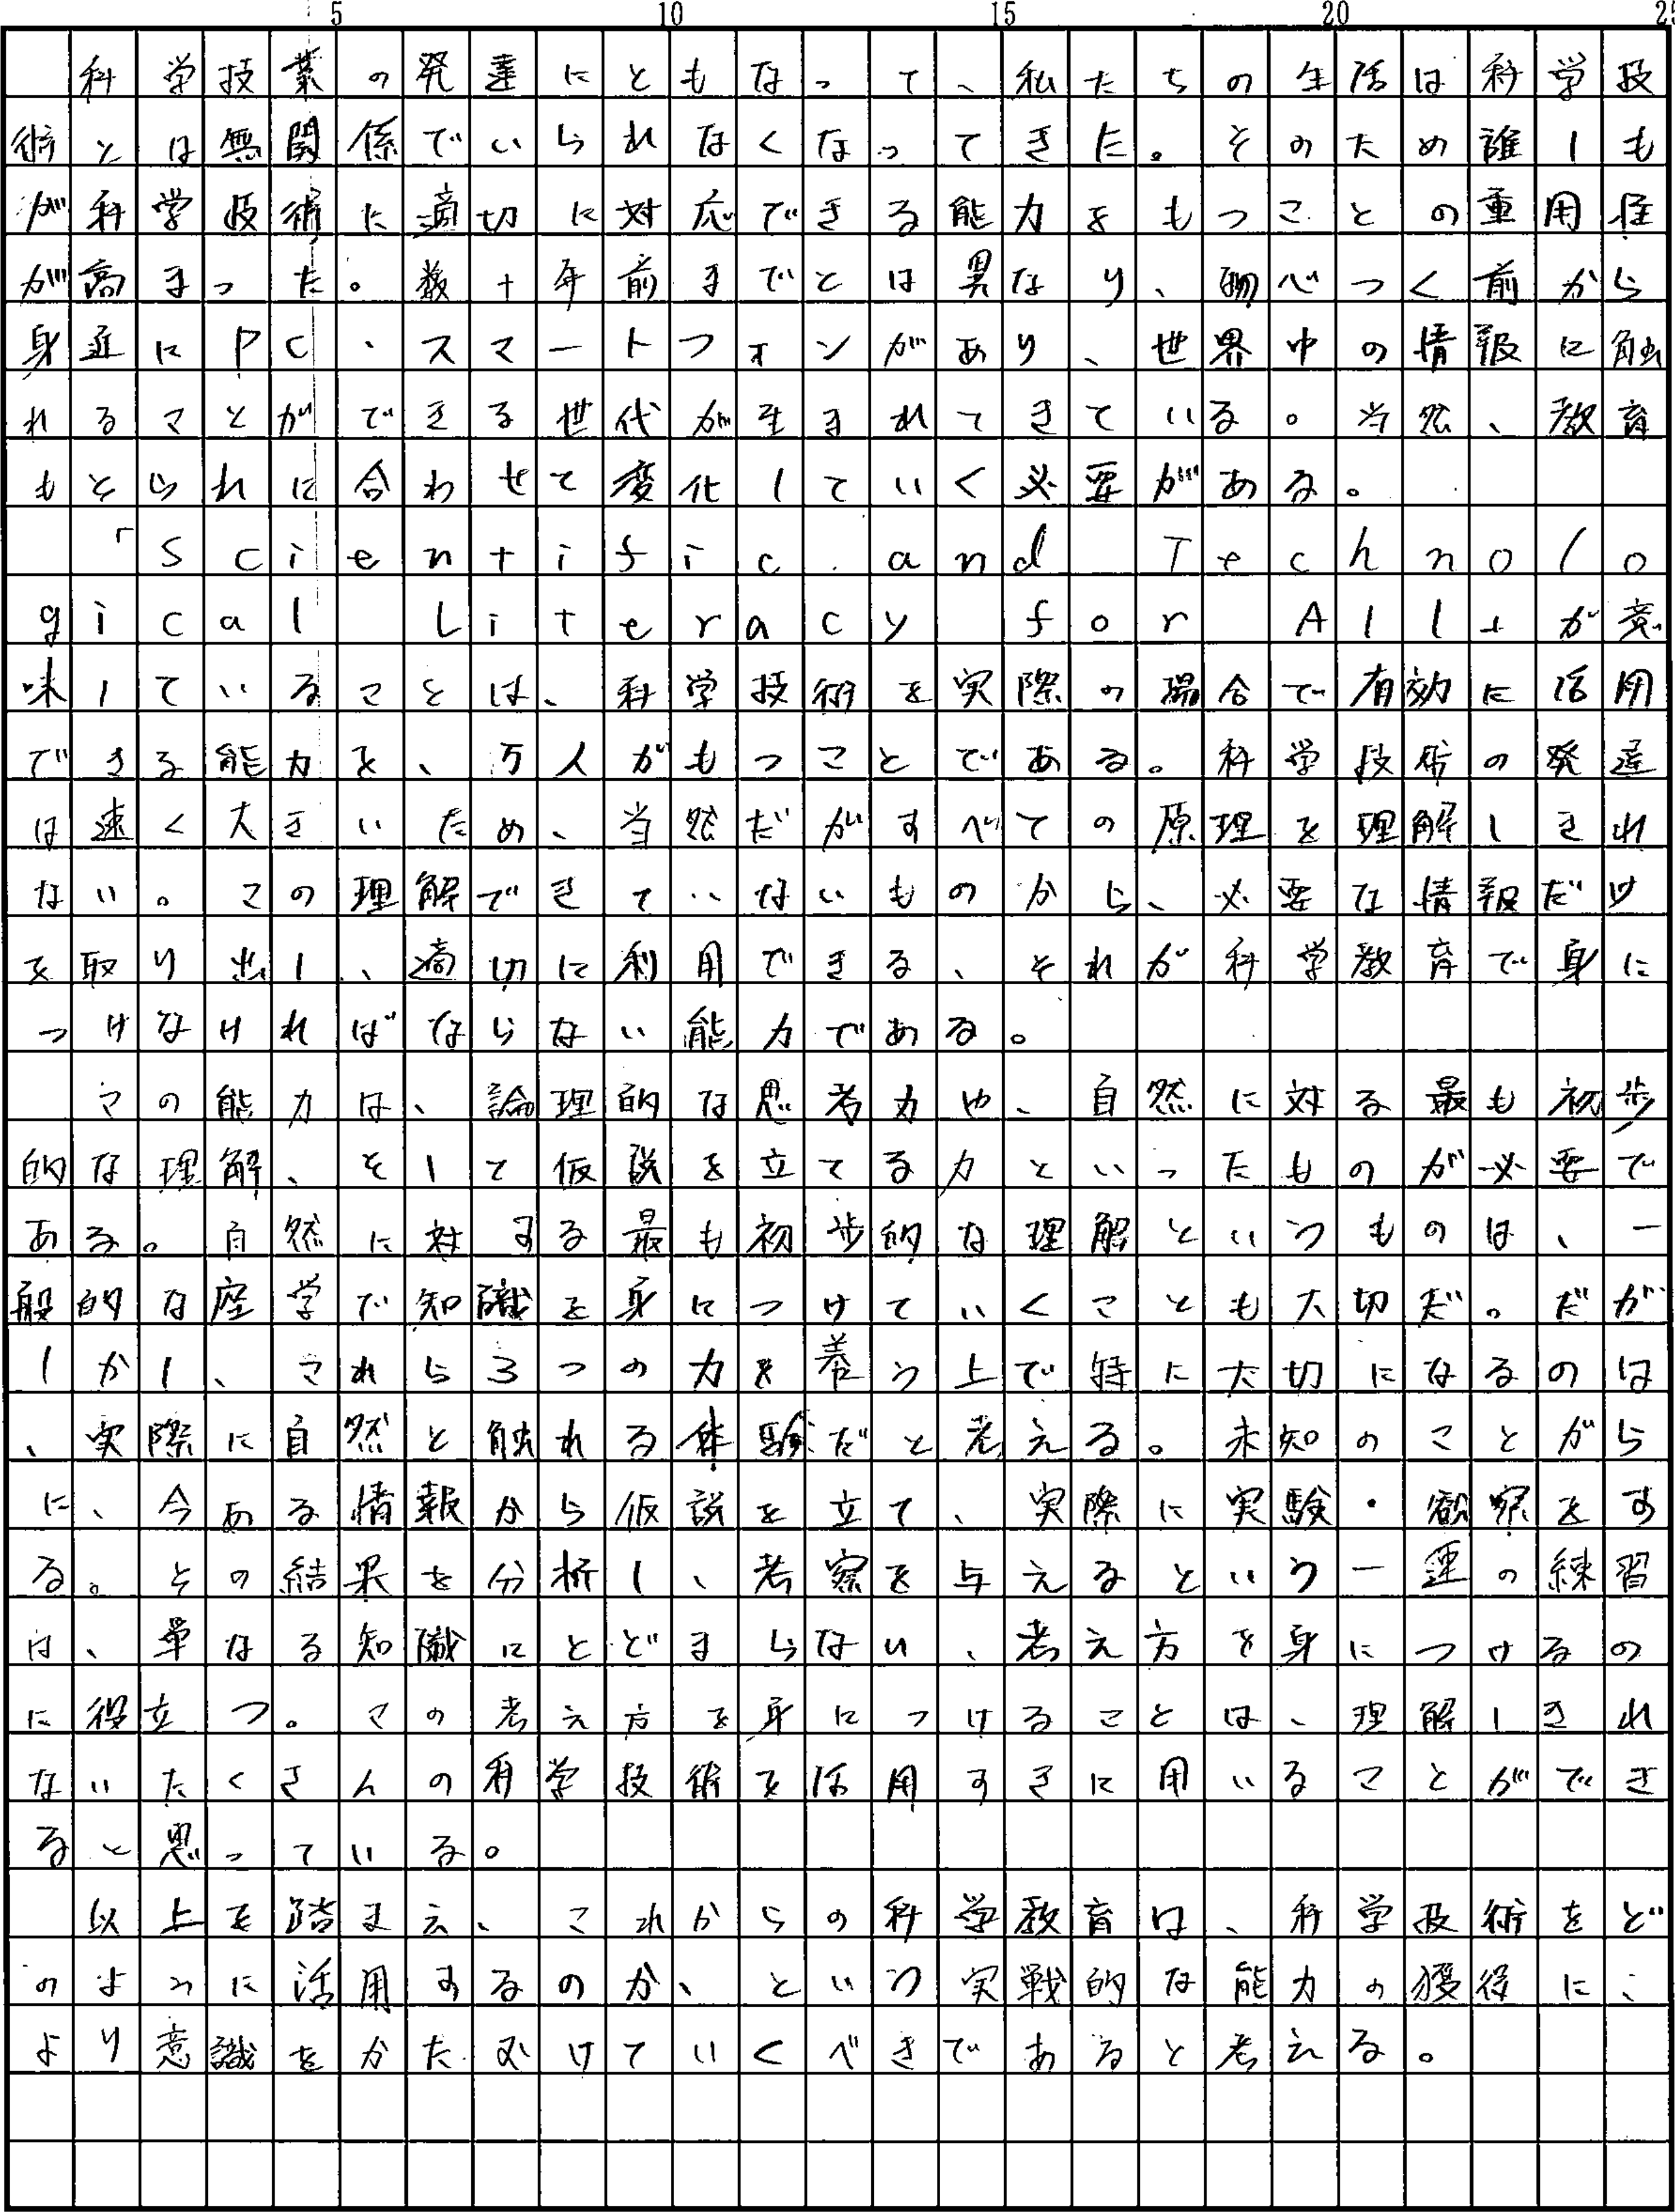　科学技業の発達にともなって、私たちの生活は科学技術とは無関係でいられなくなってきた。そのため誰しもが科学技術に適切に対応できる能力をもつことの重用性が高まった。数十年前までとは異なり、物心つく前から身近にＰＣ・スマートフォンがあり、世界中の情報に触れることができる世代が生まれてきている。当然、教育もそられに合わせて変化していく必要がある。
　「Ｓｃｉｅｎｔｉｆｉｃ　ａｎｄ　Ｔｅｃｈｎｏｌｏｇｉｃａｌ　Ｌｉｔｅｒａｃｙ　ｆｏｒ　Ａｌｌ」が意味していることは、科学技術を実際の場合で有効に活用できる能力を、万人がもつことである。科学技術の発達は速く大きいため、当然だがすべての原理を理解しきれない。この理解できていないものから、必要な情報だけを取り出し、適切に利用できる、それが科学教育で身につけなければならない能力である。
　この能力は、論理的な思考力や、自然に対る最も初歩的な理解、そして仮説を立てる力といったものが必要である。自然に対する最も初歩的な理解というものは、一般的な座学で知識を身につけていくことも大切だ。だがしかし、これら３つの力を養う上で特に大切になるのは、実際に自然と触れる体験だと考える。未知のことがらに、今ある情報から仮説を立て、実際に実験・観察をする。その結果を分析し、考察を与えるという一連の練習は、単なる知識にとどまらない、考え方を身につけるのに役立つ。この考え方を身につけることは、理解しきれないたくさんの科学技術を▁用すきに用いることができると思っている。
　以上を踏まえ、これからの科学教育は、科学技術をどのように活用するのか、という実戦的な能力の獲得に、より意識をかたむけていくべきであると考える。
